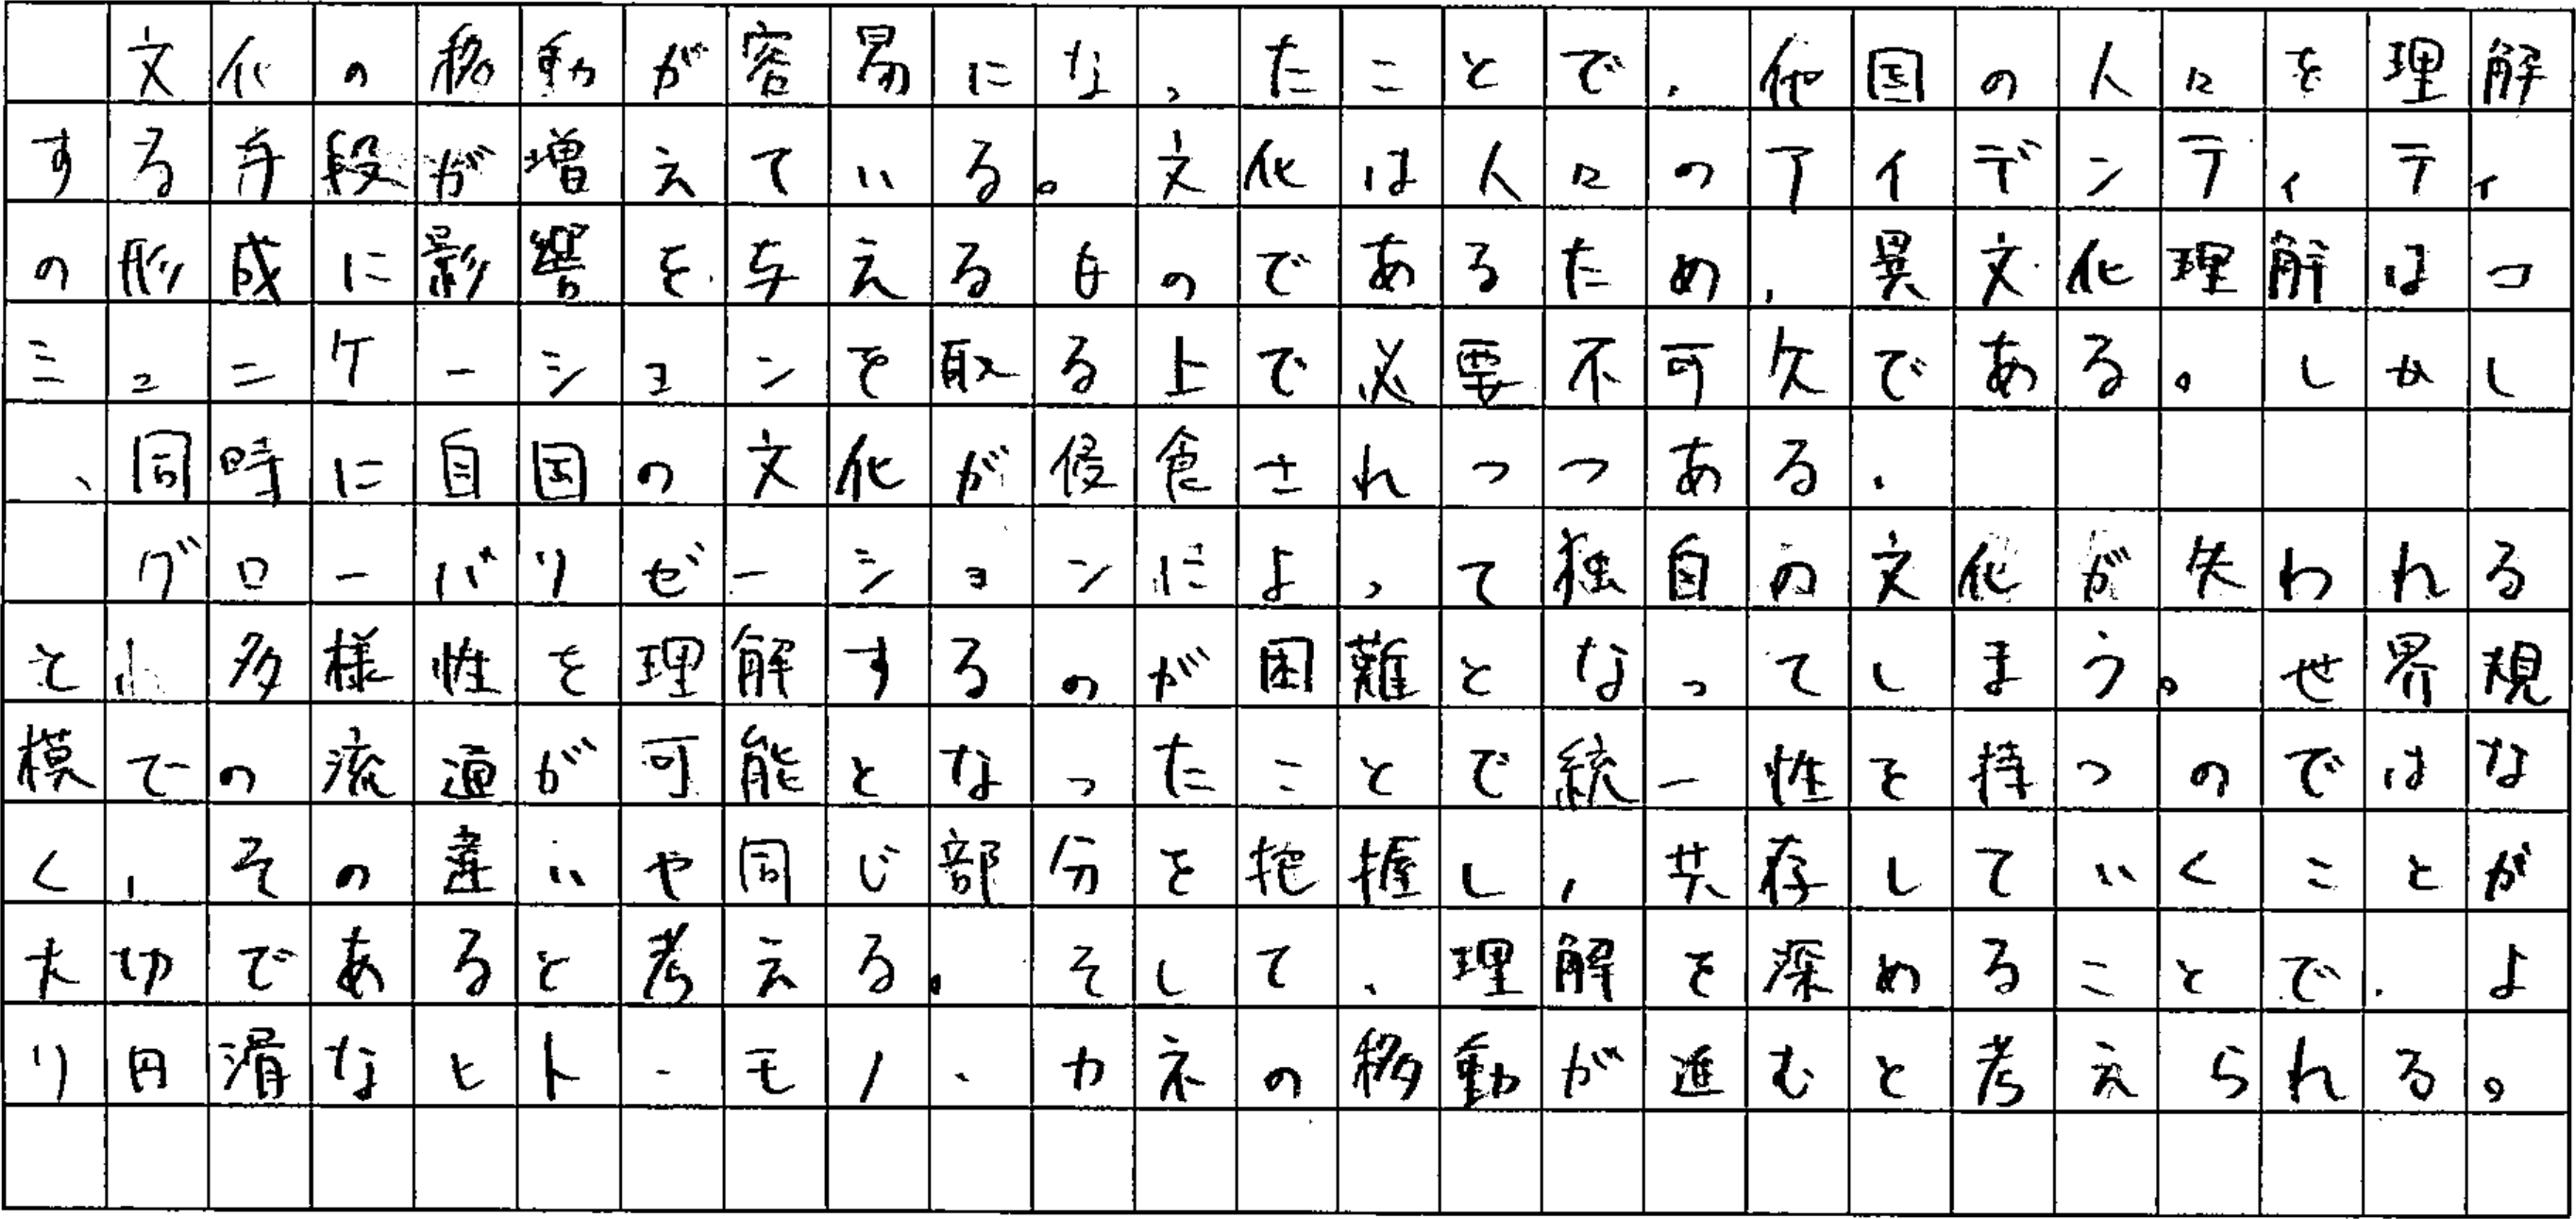　文化の移動が容易になったことで、他国の人々を理解する手段が増えている。文化は人々のアイデンティティの形成に影響を与えるものであるため、異文化理解はコミュニケーションを取る上で必要不可欠である。しかし、同時に自国の文化が侵食されつつある。
　グローバリゼーションによって独自の文化が失われると、多様性を理解するのが困難となってしまう。世界規模での流通が可能となったことで統一性を持つのではなく、その違いや同じ部分を把握し、共存していくことが大切であると考える。そして、理解を深めることで、より円滑なヒト・モノ・カネの移動が進むと考えられる。
